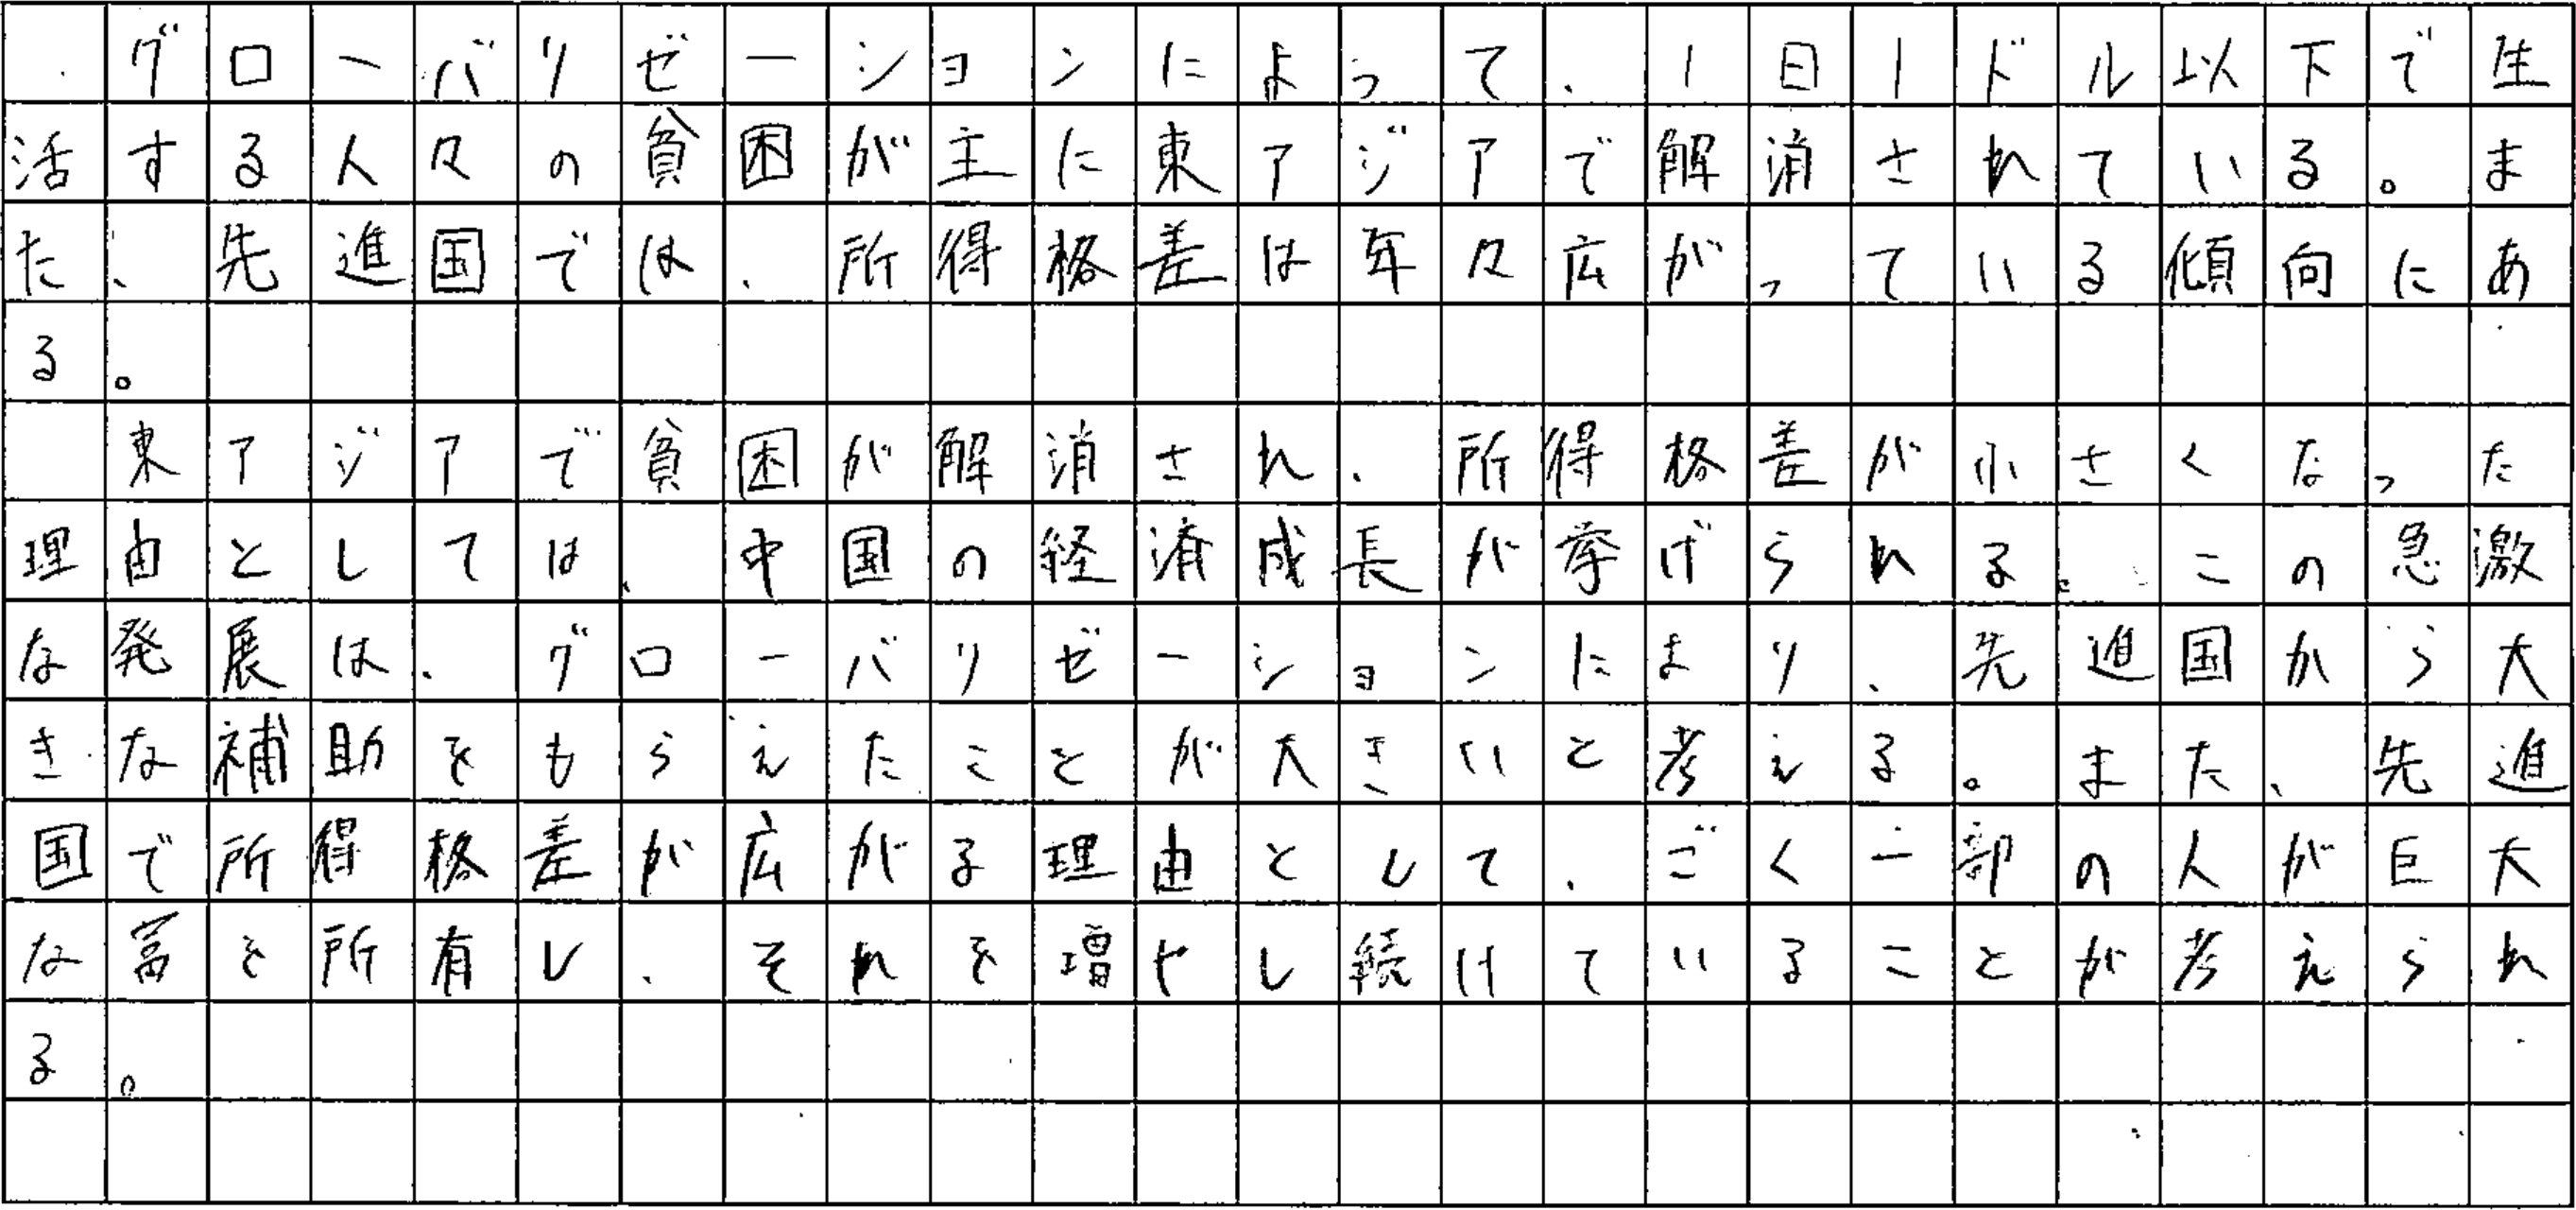　グローバリゼーションによって、１日１ドル以下で生活する人々の貧困が主に東アジアで解消されている。また、先進国では、所得格差は年々広がっている傾向にある。
　東アジアで貧困が解消され、所得格差が小さくなった理由としては、中国の経済成長が挙げられる。この急激な発展は、グローバリゼーションにより、先進国から大きな補助をもらえたことが大きいと考える。また、先進国で所得格差が広がる理由として、ごく一部の人が巨大な富を所有し、それを増やし続けていることが考えられる。
